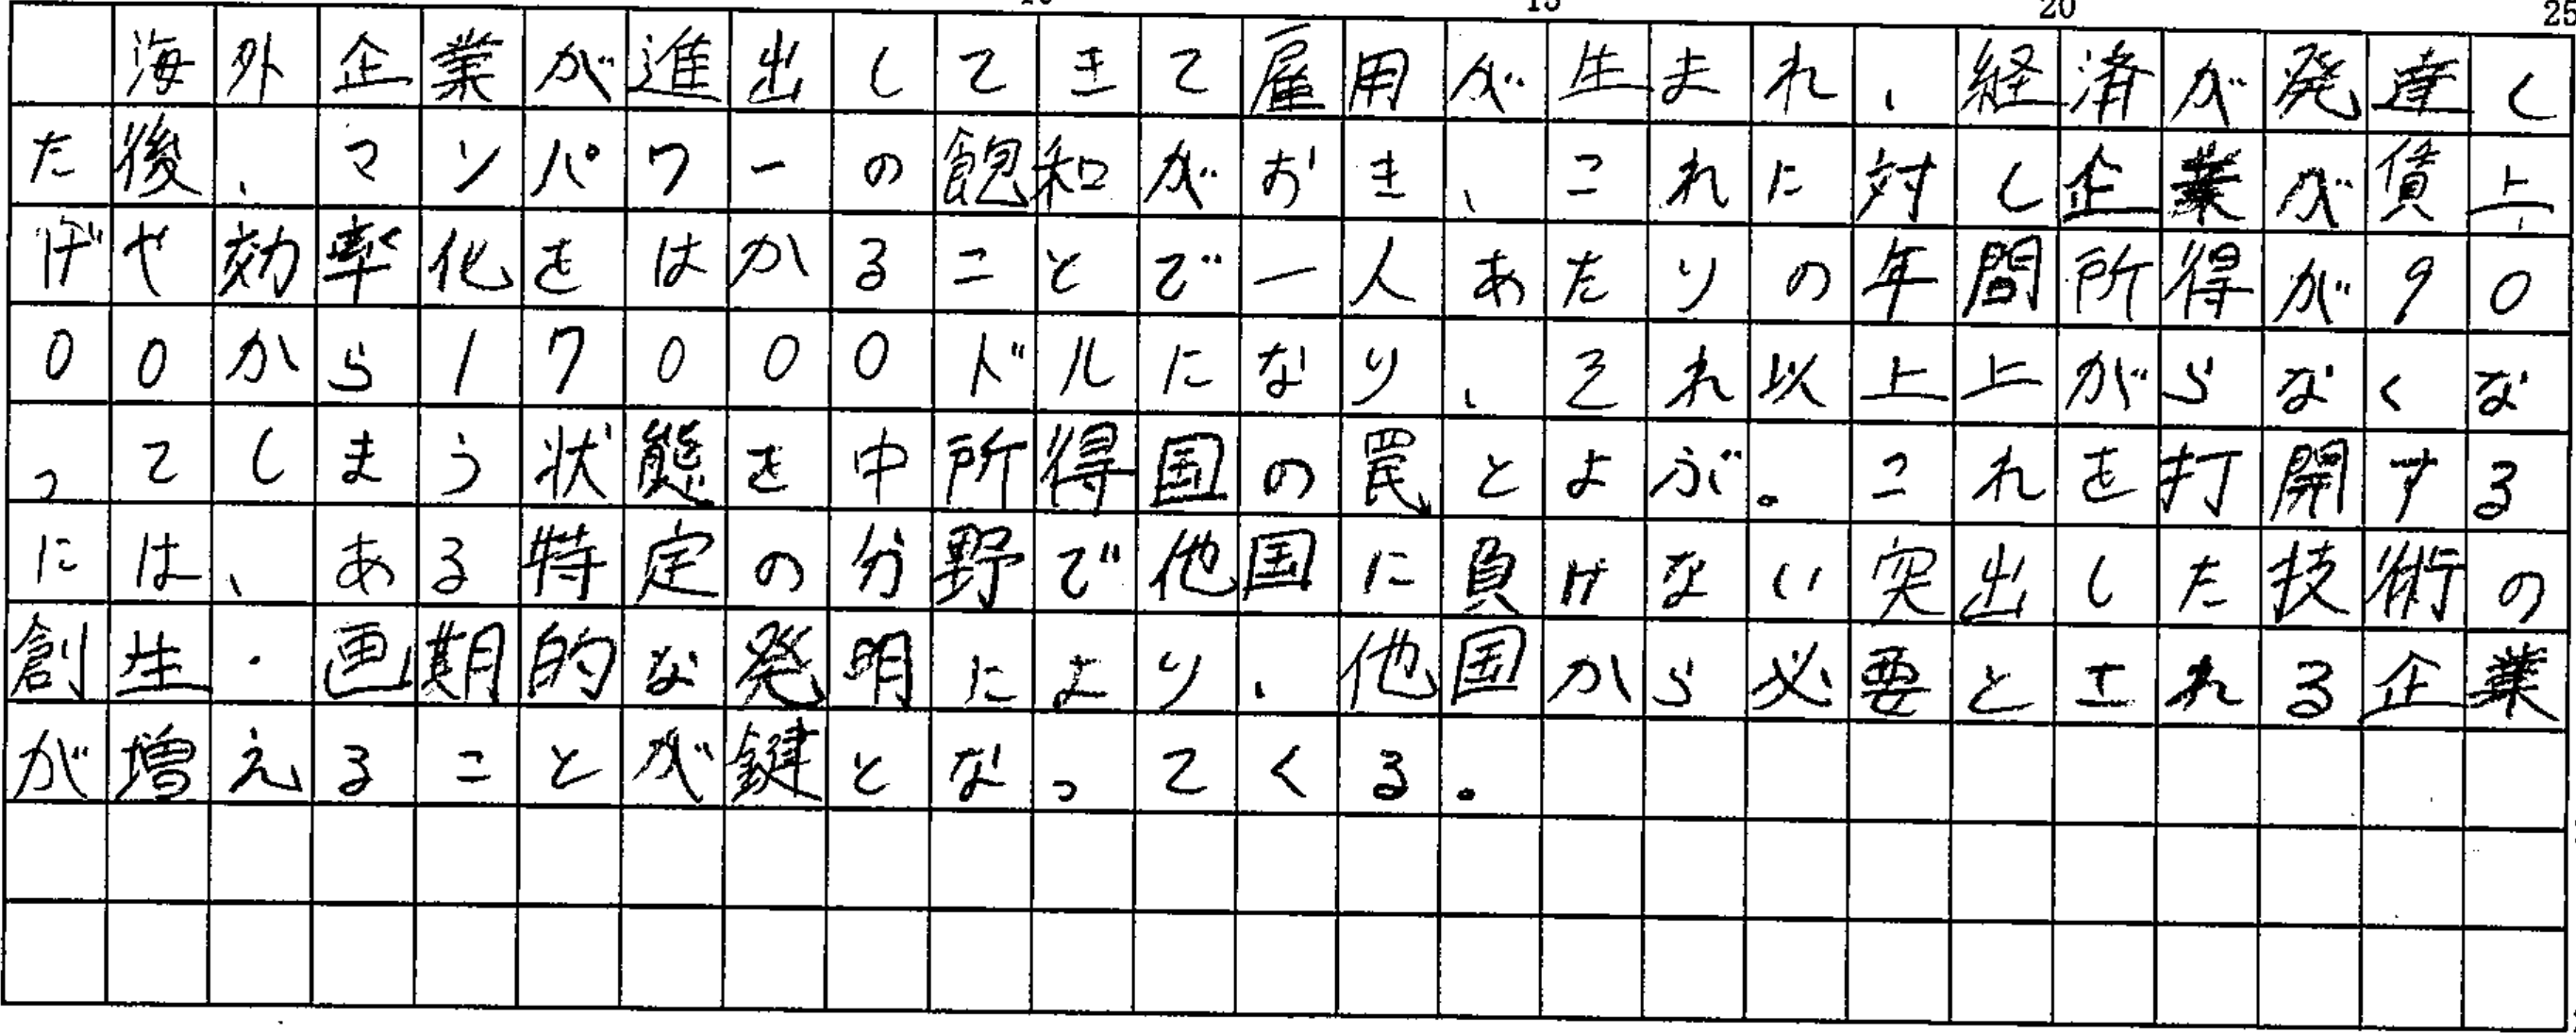　海外企業が進出してきて雇用が生まれ、経済が発達した後、マンパワーの飽和がおき、これに対し企業が賃上げや効率化をはかることで一人あたりの年間所得が９０００から１７０００ドルになり、それ以上上がらなくなってしまう状態を中所得国の罠とよぶ。これを打開するには、ある特定の分野で他国に負けない突出した技術の創生・画期的な発明により、他国とされる企業が増えることが鍵となってくる。
